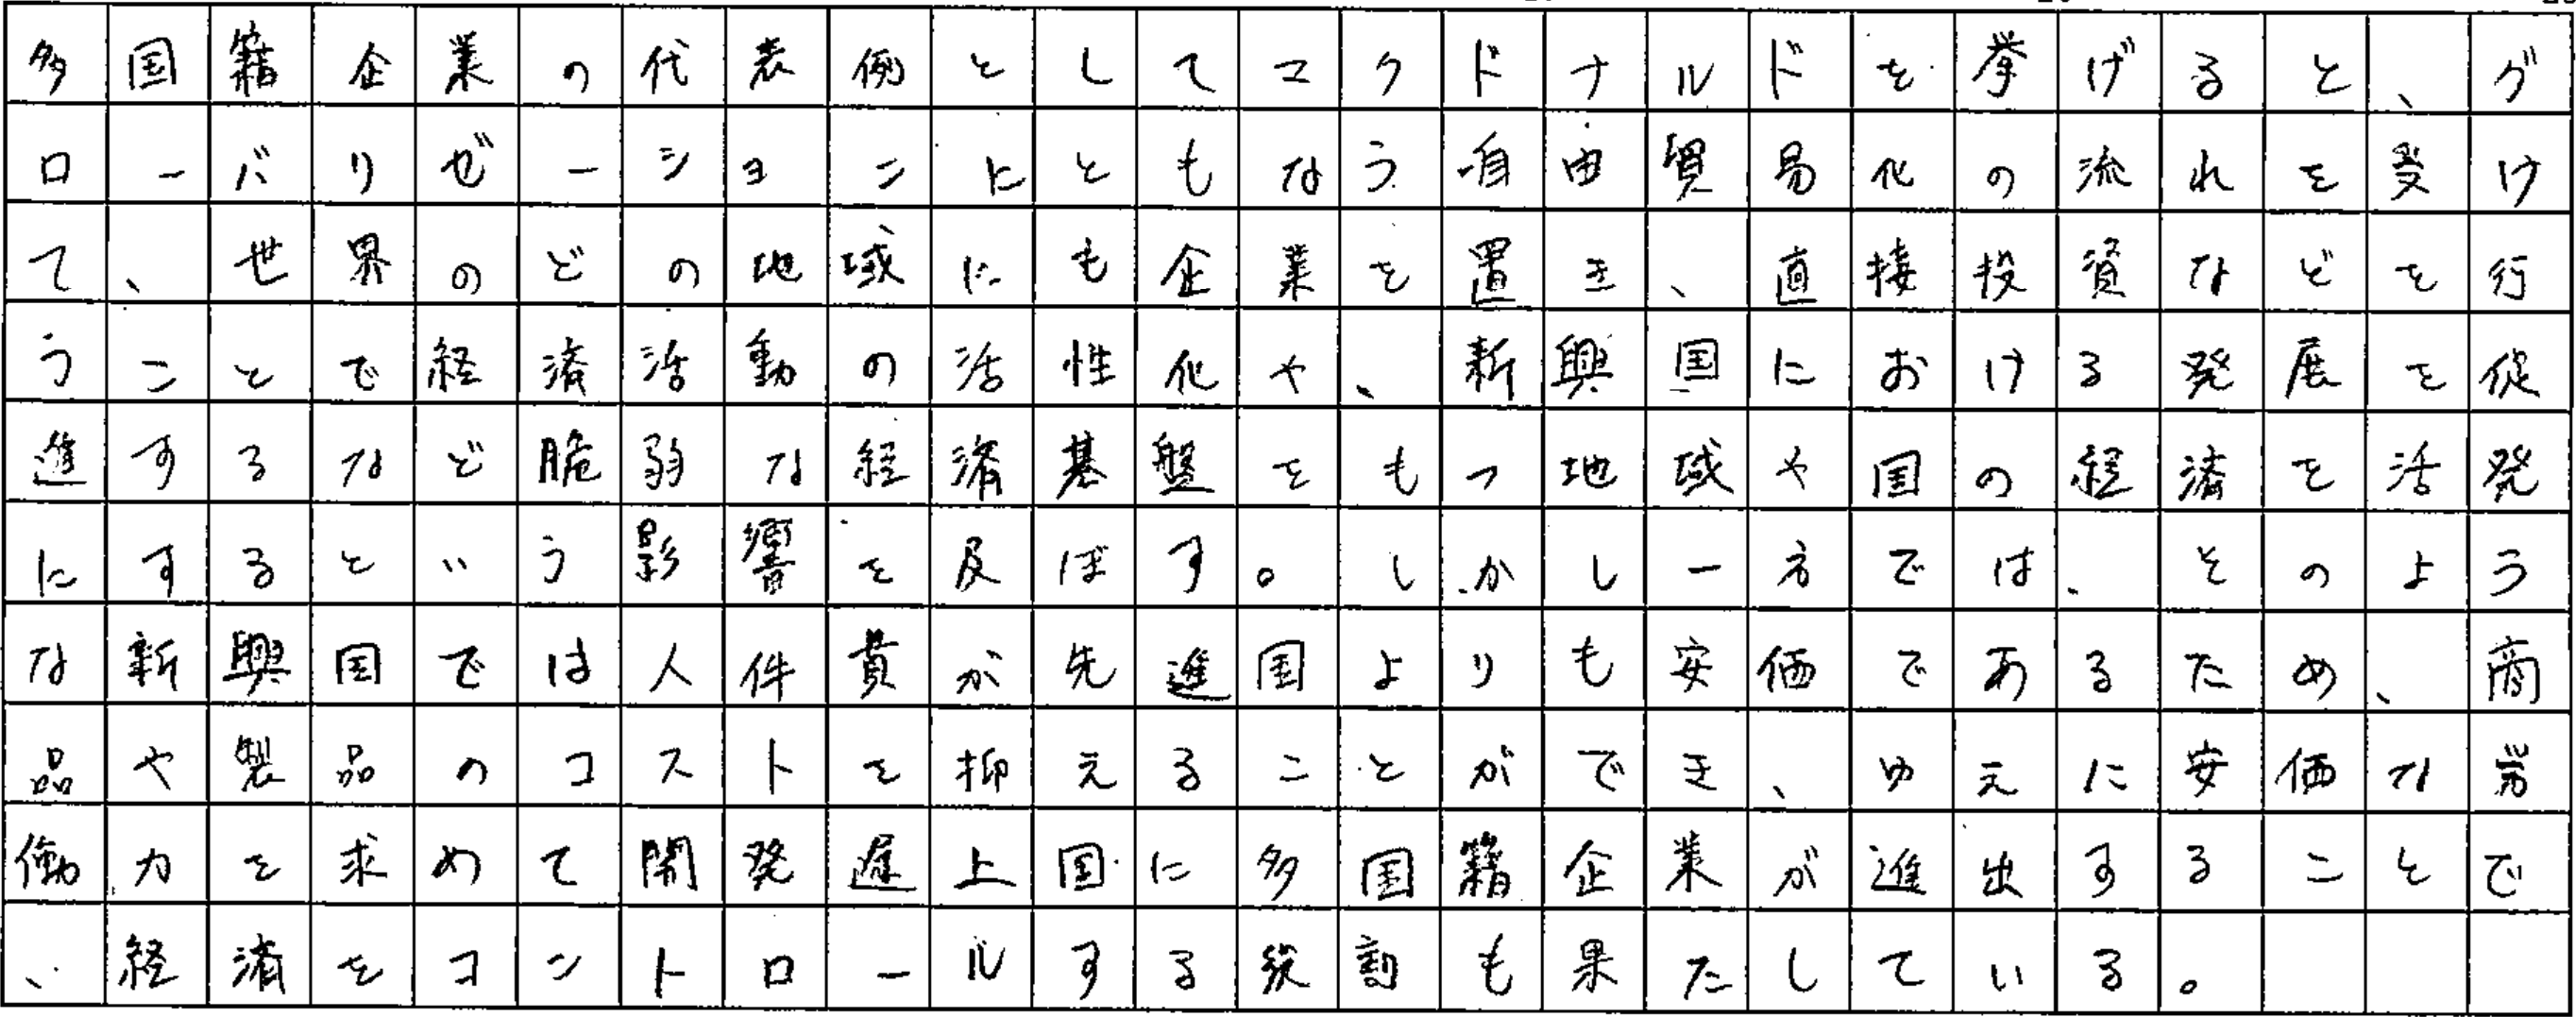多国籍企業の代表例としてマクドナルドを挙げると、グローバリゼーションにともなう自由貿易化の流れを受けて、世界のどの地域にも企業を置き、直接投資などを行うことで経済活動の活性化や、新興国における発展を促進するなど脆弱な経済基盤をもつ地域や国の経済を活発にするという影響を及ぼす。しかし一方では、そのような新興国では人件費が先進国よりも安価であるため、商品や製品のコストを抑えることができ、ゆえに安価な労働力を求めて開発途上国に多国籍企業が進出することで、経済をコントロールする役割も果たしている。
